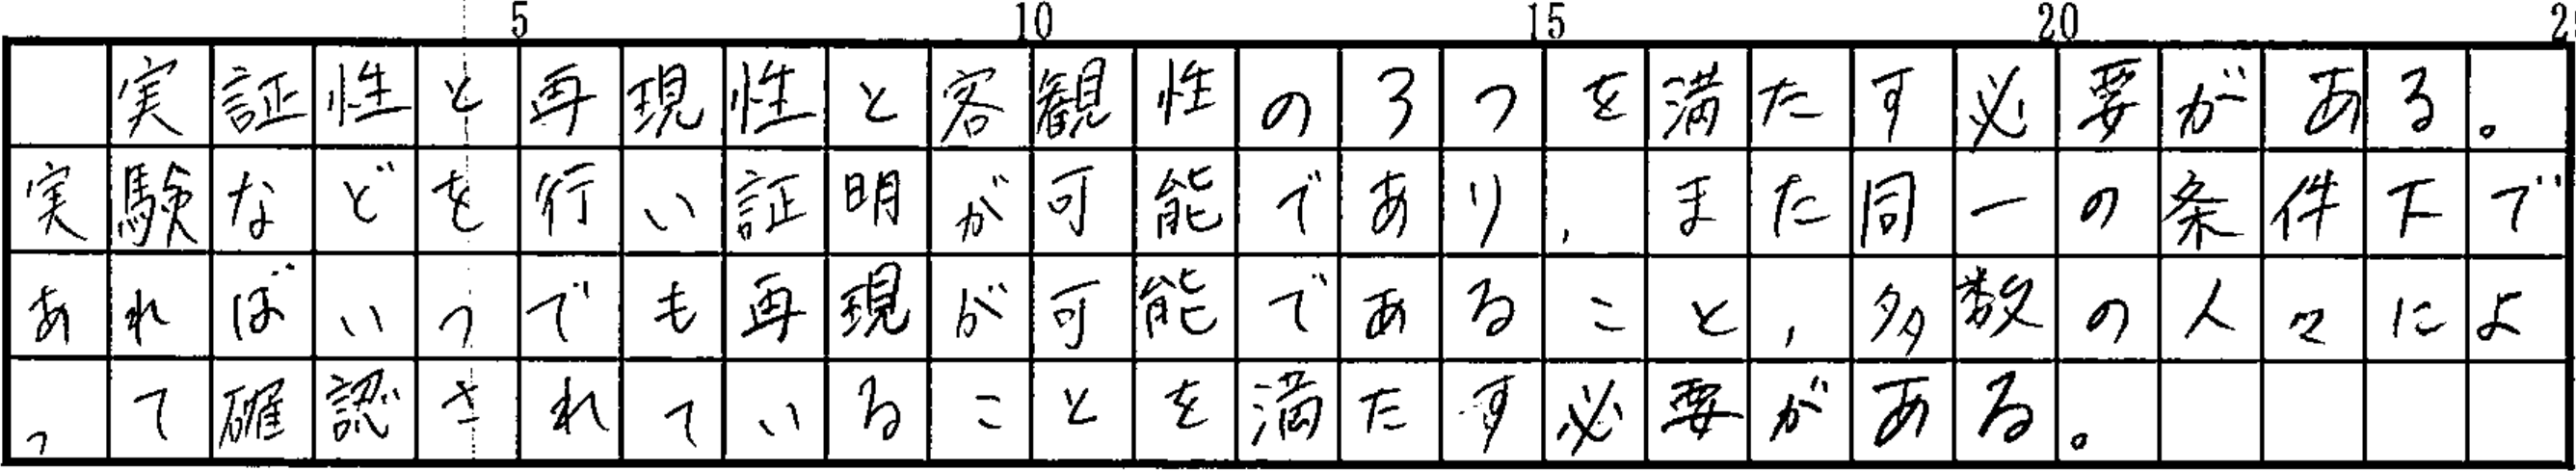　実証性と再現性と客観性の３つを満たす必要がある。実験などを行い証明が可能であり、また同一の条件下であればいつでも再現が可能であること、多数の人々によって確認されていることを満たす必要がある。
